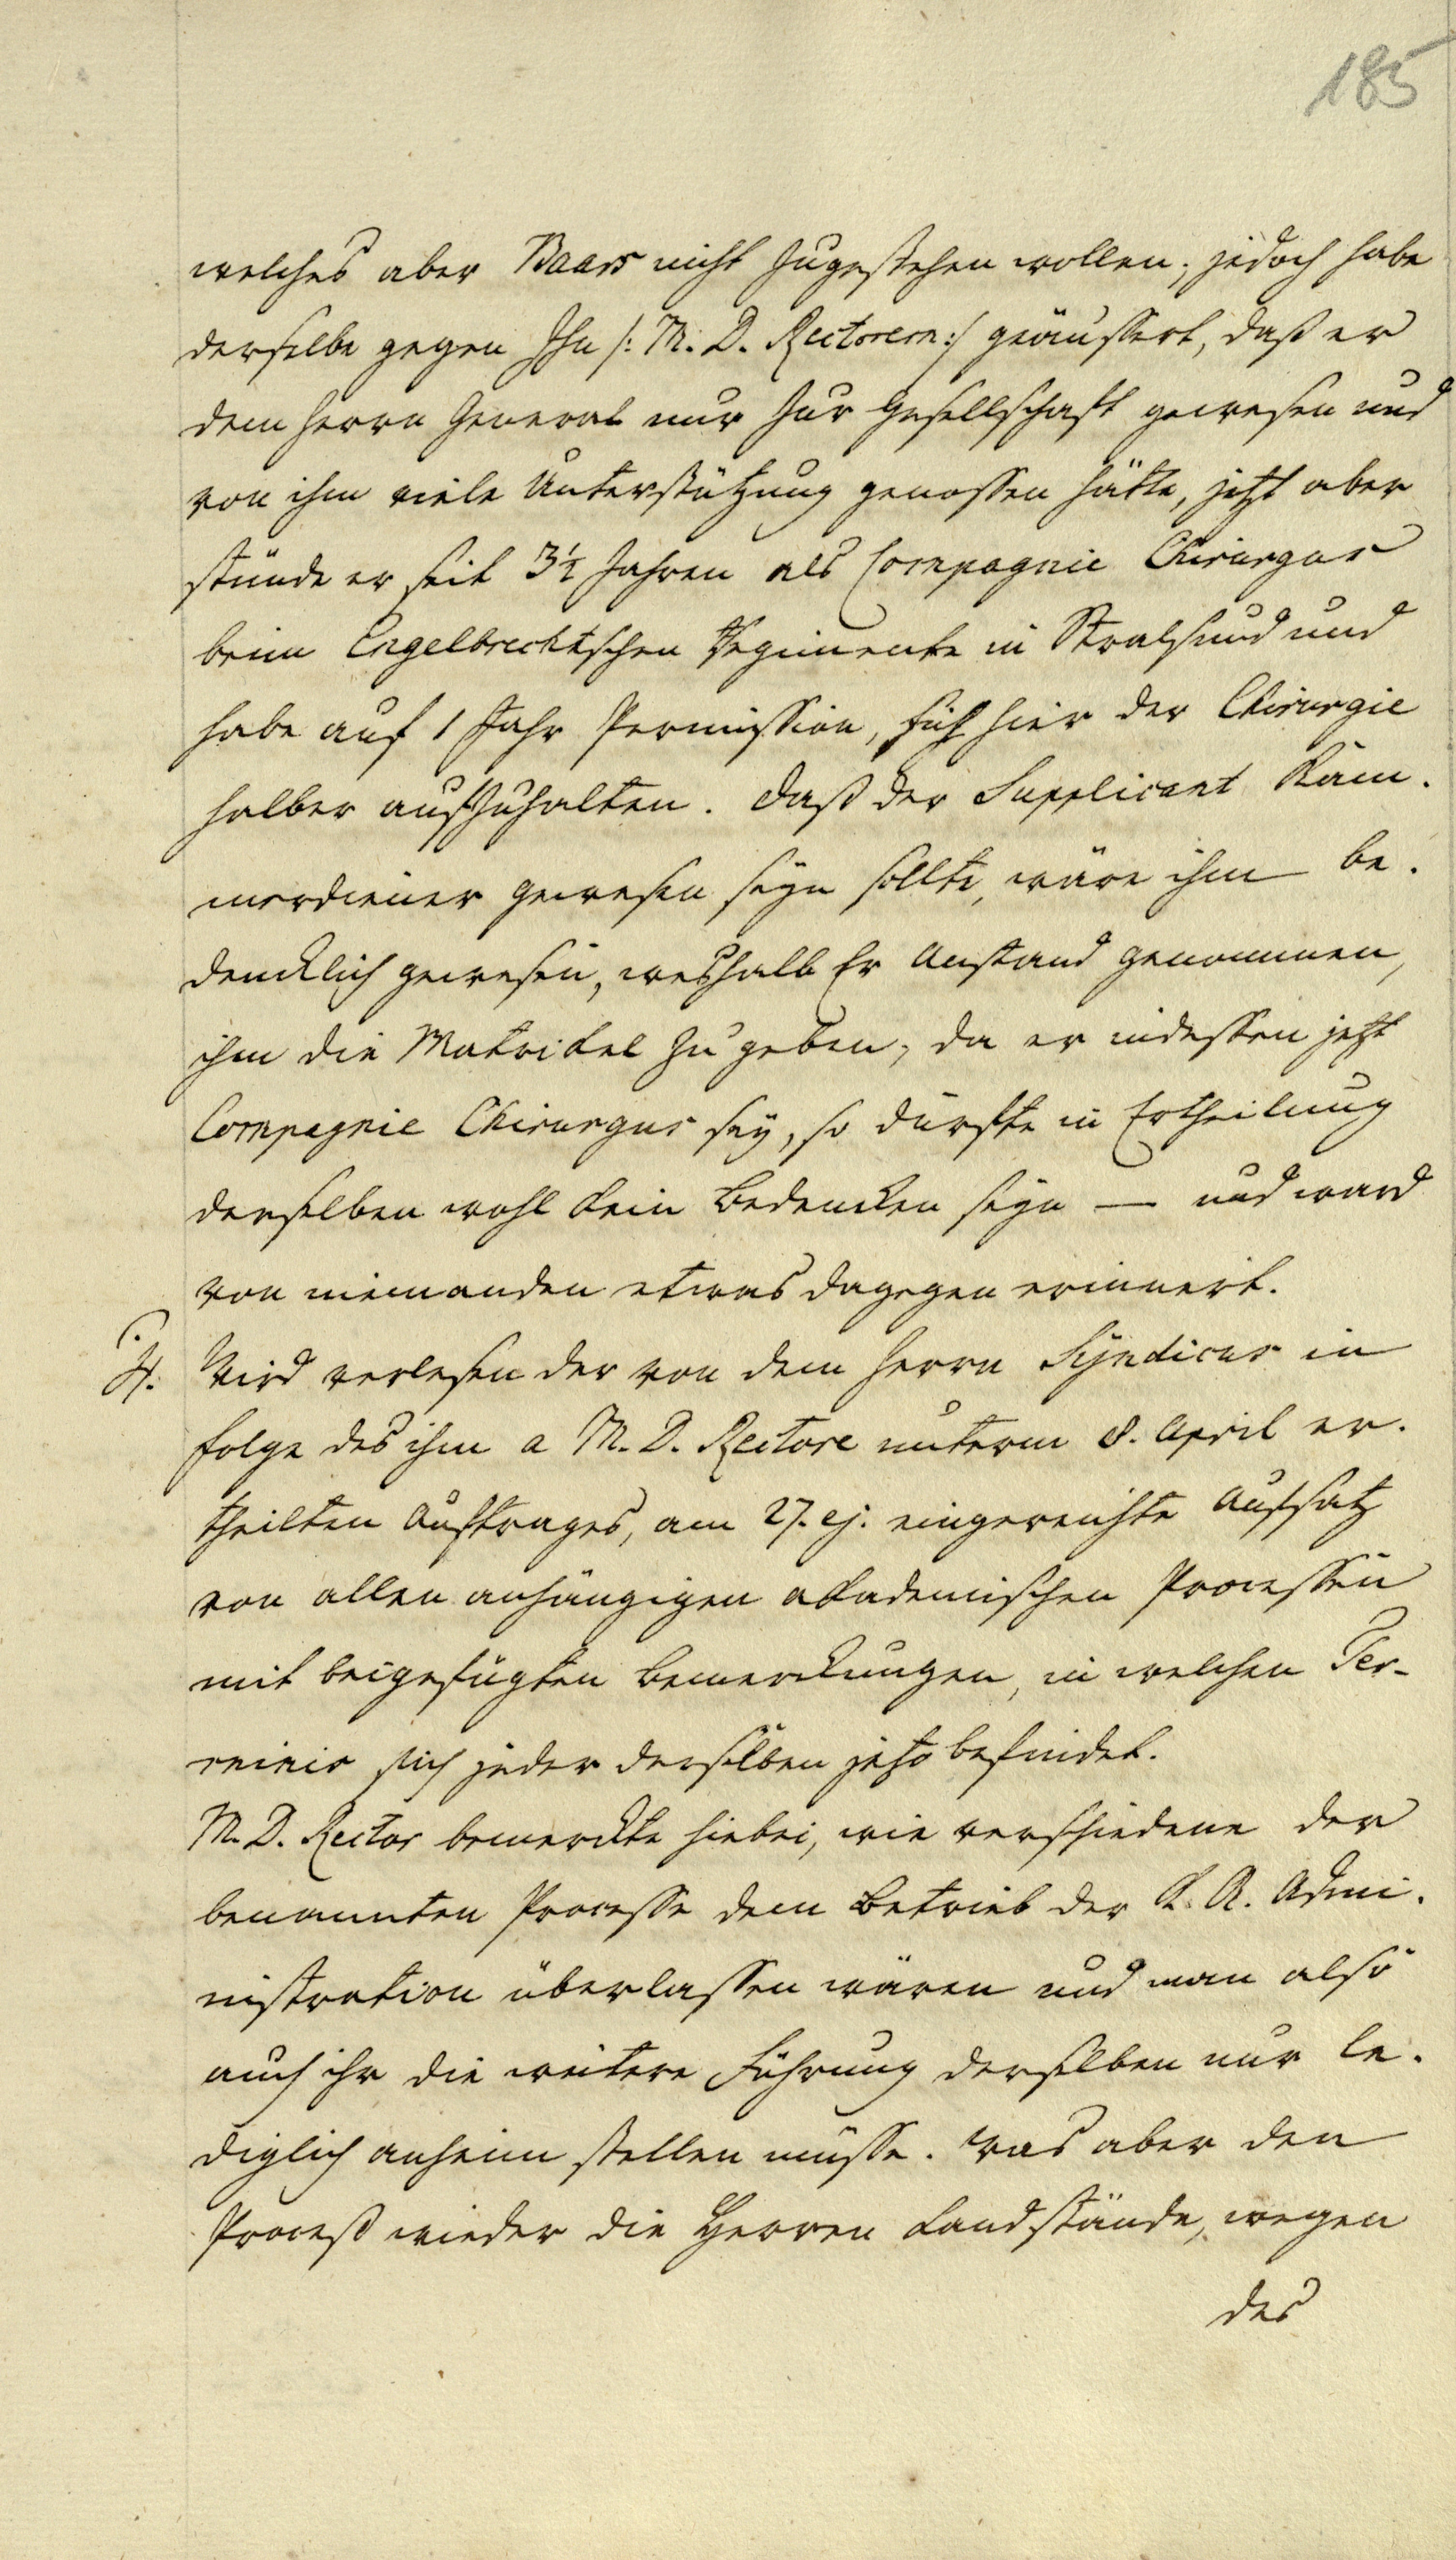welches aber Baars nicht zugestehen wollen, jedoch habe
derselbe gegen Ihn /: M. D. Rectorem :/ geäussert, daß er
dem Herrn General nur zur Gesellschaft gewesen und
von ihm viele Unterstützung genossen hätte, jetzt aber
stünde er seit 3½ Jahren als Compagnie Chirurgus
beim Engelbrechtschen Regimente in Stralsund und
habe auf 1 Jahr Permission, sich hier der Chirurgie
halber aufzuhalten. Daß der Supplicant Kam¬
merdiener gewesen seÿn sollte, wäre ihm be¬
dencklich gewesen, weshalb Er Anstand genommen,
ihm die Matrikel zu geben, da er indessen jetzt
Compagnie Chirurgus seÿ, so dürfte in Ertheilung
derselben wohl kein Bedencken seÿn und ward
von niemanden etwas dagegen erinnert.
4. Wird verlesen der von dem Herrn Sÿndicus in
Folge des ihm a M. D. Rectore unterm 8. April er¬
theilten Auftrages, am 27. ej. eingereichte Aufsatz
von allen anhängigen akademischen Processen
mit beigefügten Bemerkungen, in welchen Ter¬
minis sich jeder derselben jetzo befindet¬
M. D. Rector bemerckte hiebei, wie verschiedene der
benannten Processe dem Betrieb der K. A. Admi¬
nistration überlassen wären und man also
auch ihr die weitere Führung derselben nur le¬
diglich anheim stellen müsse. Was aber den
Proceß wieder die Herren Landstände, wegen
des